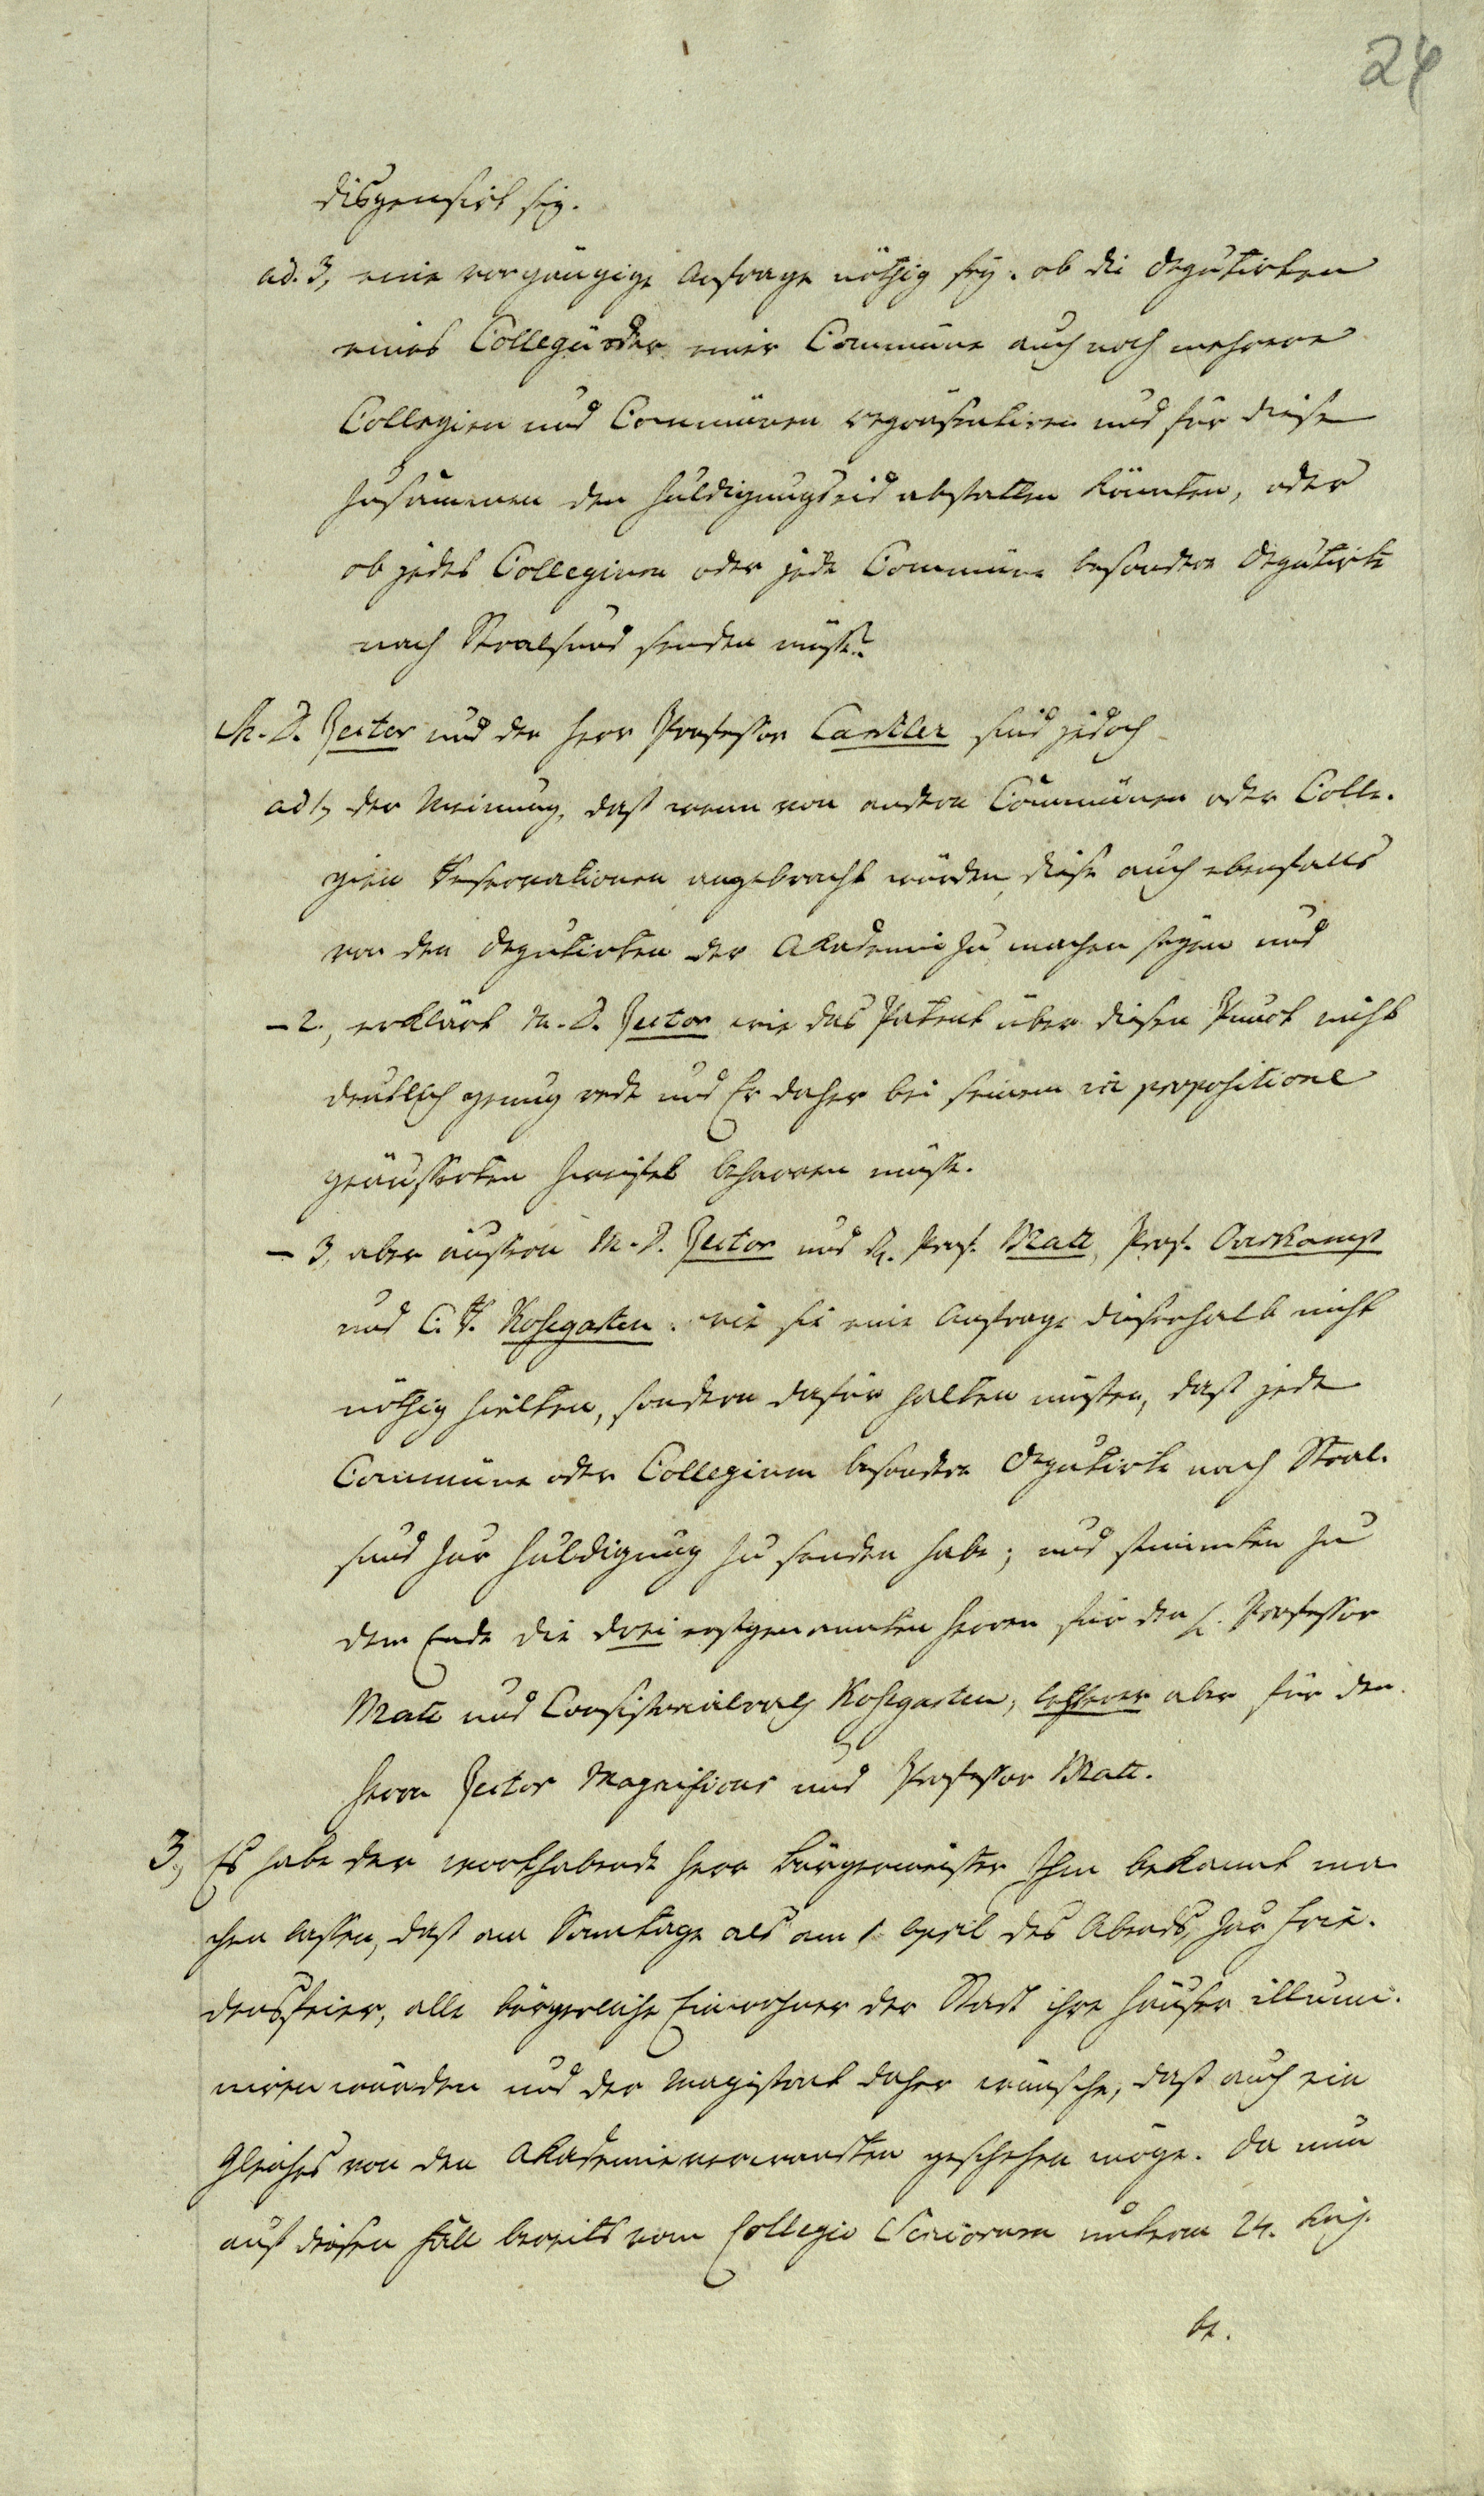dispensirt seÿ.
ad. 3., eine vorgängige Anfrage nöthig seÿ: ob die Deputirten
eines Collegii oder einer Commune auch noch mehrere
Collegien und Commünen repräsentiren und für diese
zusammen den Huldignngseid abstatten könnten, oder
ob jedes Collegium oder jede Commune besondere Deputirte
nach Stralsund senden müsse.
M. D. Rector und der Herr Professor Canzler sind jedoch
ad 1. der Meinung, daß wenn von andern Commünen oder Colle¬
gien Reservationen angebracht würden, diese auch ebenfalls
von den Deputirten der Akademie zu machen seÿen und
2, erklärt M. D. Rector, wie das Patent über diesen Punct nicht
deutlich genug rede und Er daher bei seinem in propositione
geäusserten Zweifel beharren müsse.
3, aber äussern M. D. Rector und dh. Prof. Bratt, Prof. Overkamp
und C. R. Kosegarten. wie sie eine Anfrage dieserhalb nicht
nöthig hielten, sondern dafür halten müsten, daß jede
Commüne oder Collegium besondere Deputirte nach Stral¬
sind zur Huldigung zu senden habe; und stimmten zu
dem Ende die drei erstgenannten Herren für den H. Professor
Bratt und Consistorialrath Kosegarten, letzterer aber für den
Herrn Rector Magnificus und Professor Bratt.
3., Es habe der worthabenden Herr Bürgermeister Ihm bekannt ma¬
chen lassen, daß am Sonntage als am 1. April des Abends zur Frie¬
densfeier, alle bürgerlche Einwohner der Stadt ihre Häuser illumi¬
niren würden und der Magistrat daher wünsche, daß auch ein
gleiches von den Akademieverwandten geschehen möge. Da nun
auf diesen Fall bereits vom Collegio Seniorum unterm 24. huj.
be¬